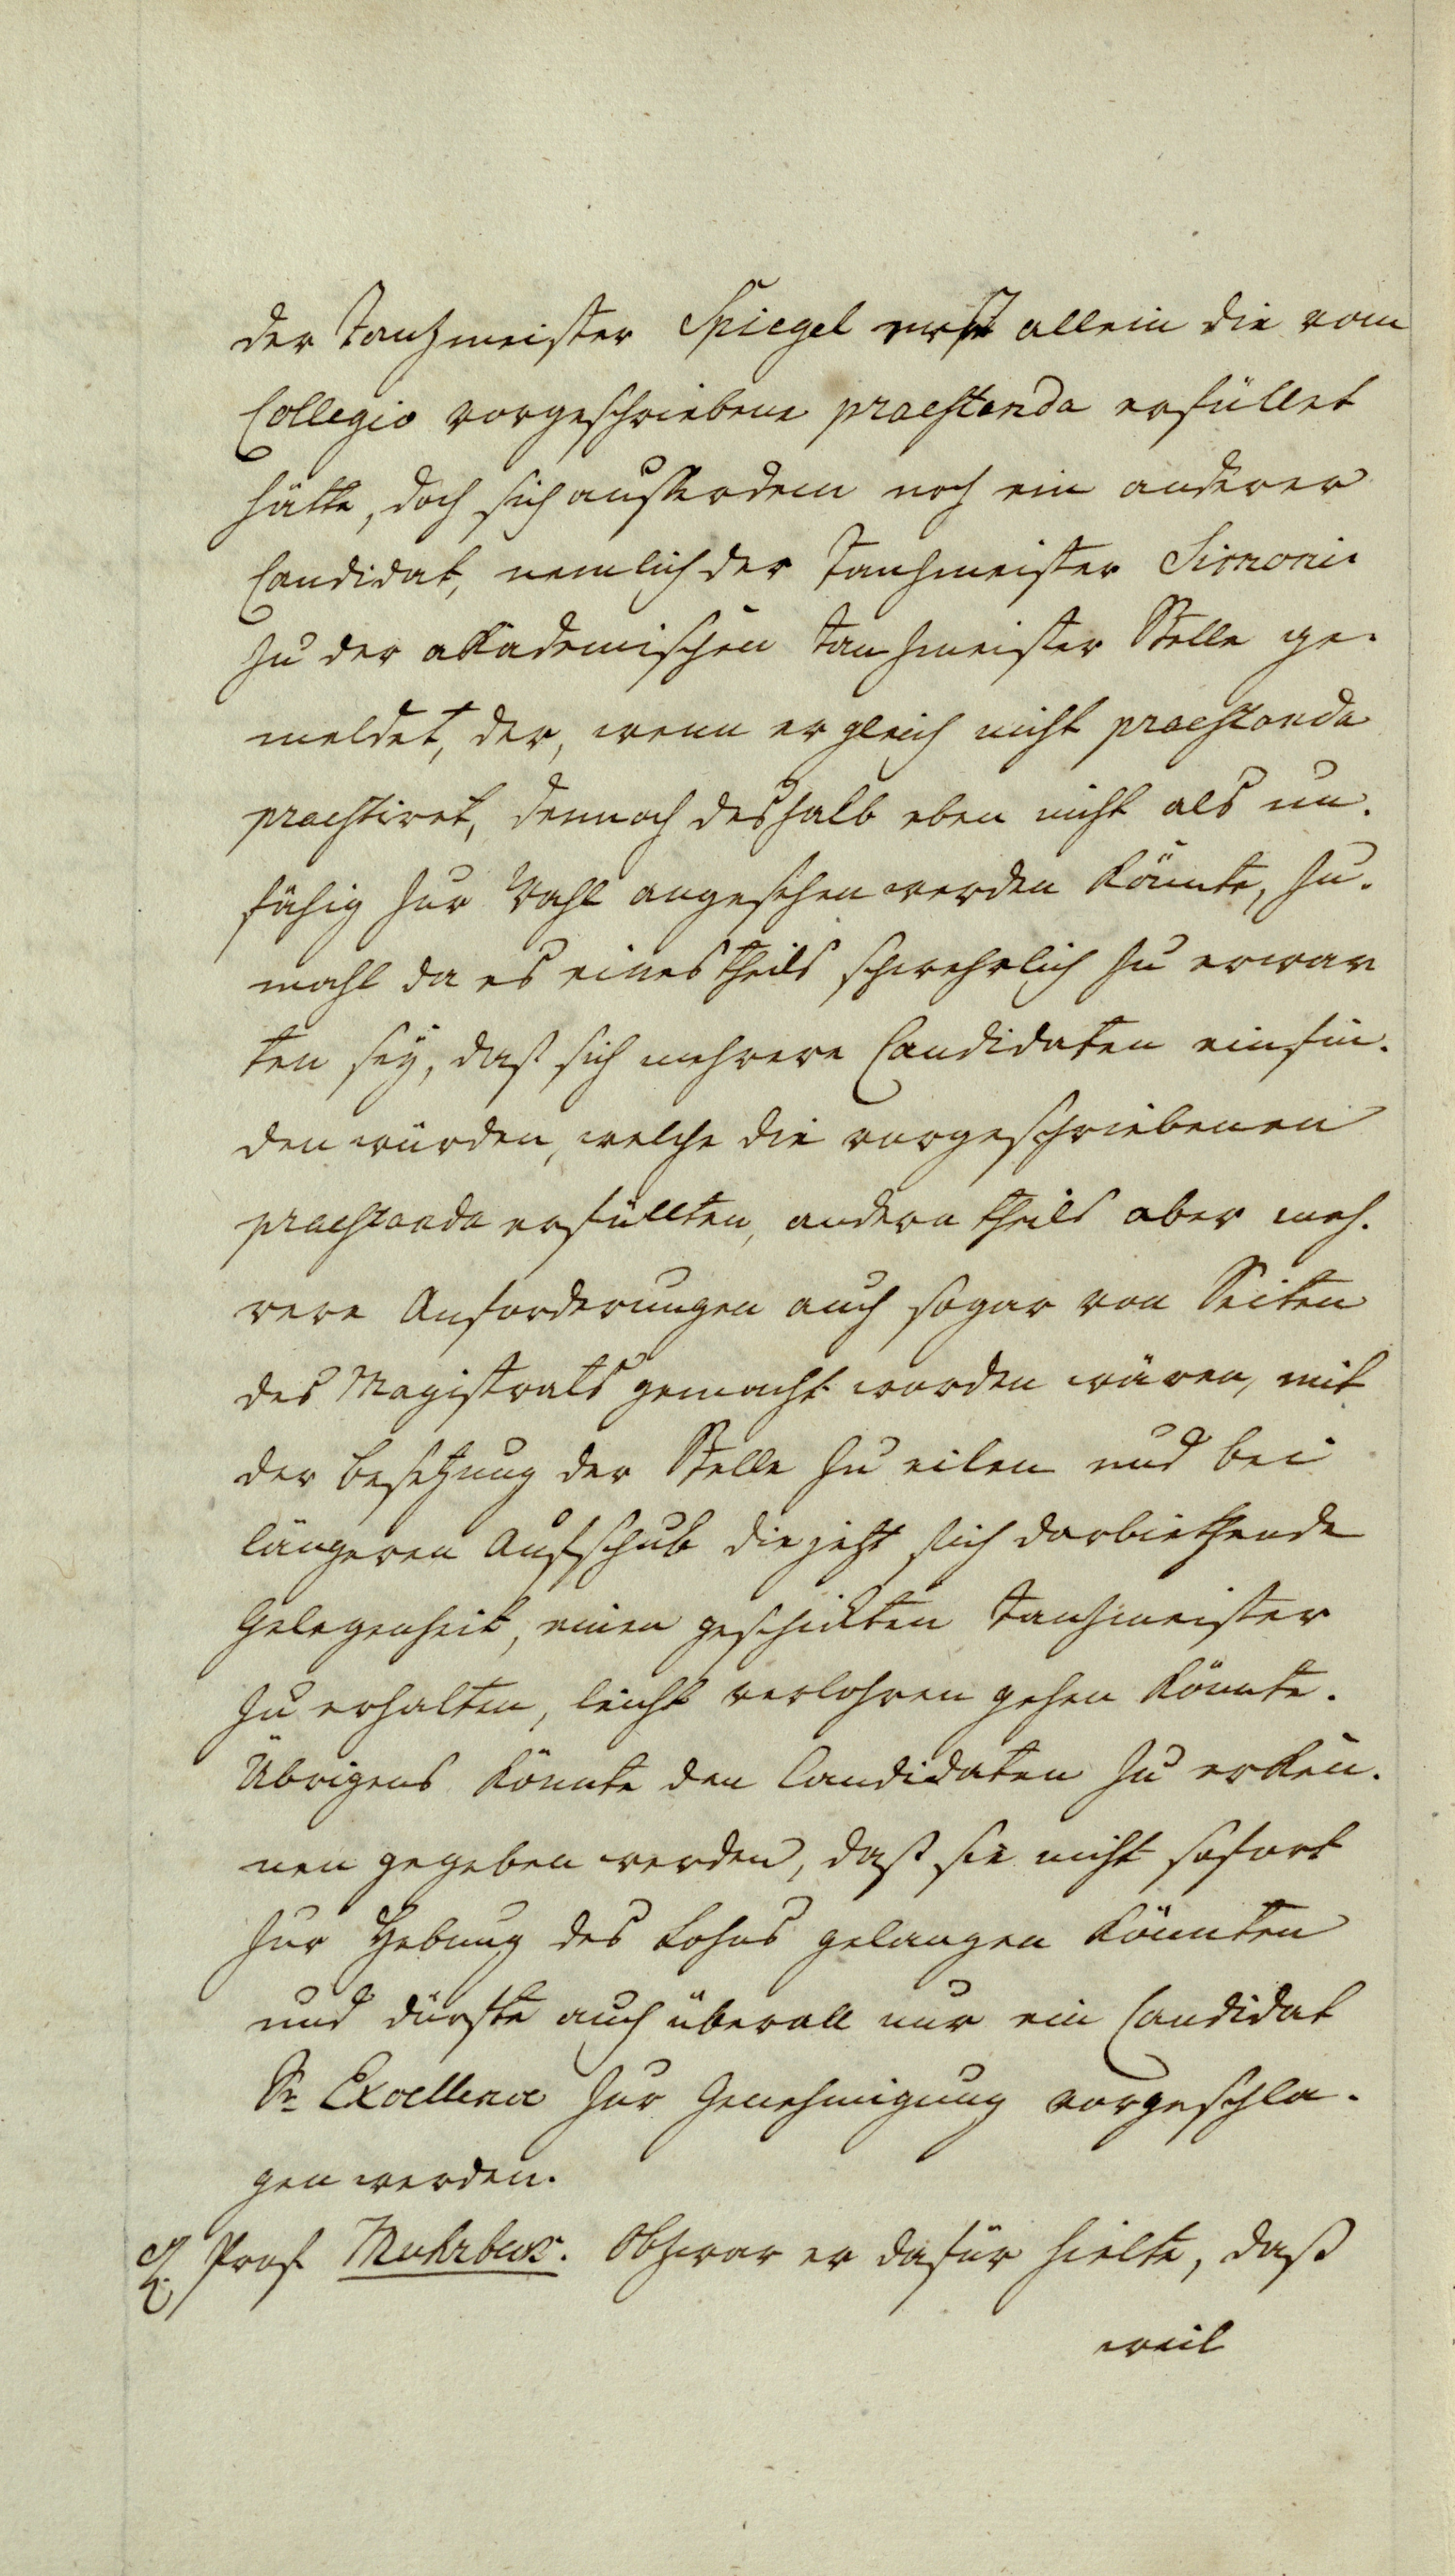der Tanzmeister Spiegel erst allein die vom
Collegio vorgeschriebene praestanda erfüllet
hätte, doch sich ausserdem noch ein anderer
Candidat, nemlich der Tanzmeister Simoni
zu der akademischen Tanzmeister Stelle ge¬
meldet, der, wenn er gleich nicht praestanda
praestiret, dennoch deshalb eben nicht als un¬
fähig zur Wahl angesehen werden könnte, zu¬
mahl da es eines theils schwehrlich zu erwar¬
ten seÿ, daß sich mehrere Candidaten einfin¬
den würden, welche die vorgeschriebenen
praestanda erfüllten, andern theils aber meh¬
rere Anforderungen auch sogar von Seiten
des Magistrats gemacht worden wären, mit
der Besetzung der Stelle zu eilen und bei
längeren Aufschub die jetzt sich darbietende
Gelegenheit, einen geschickten Tanzmeister
zu erhalten, leicht verlohren gehen könnte.
Übrigens könnte den Candidaten zu erken¬
nen gegeben werden, daß sie nicht sofort
zur Hebung des Lohns gelangen könnten
und dürfte auch überall nur ein Candidat
Sr Excellence zur Genehmigung vorgeschla¬
gen werden.
dh. Prof. Muhrbeck. Obzwar er dafür hielte, daß
weil